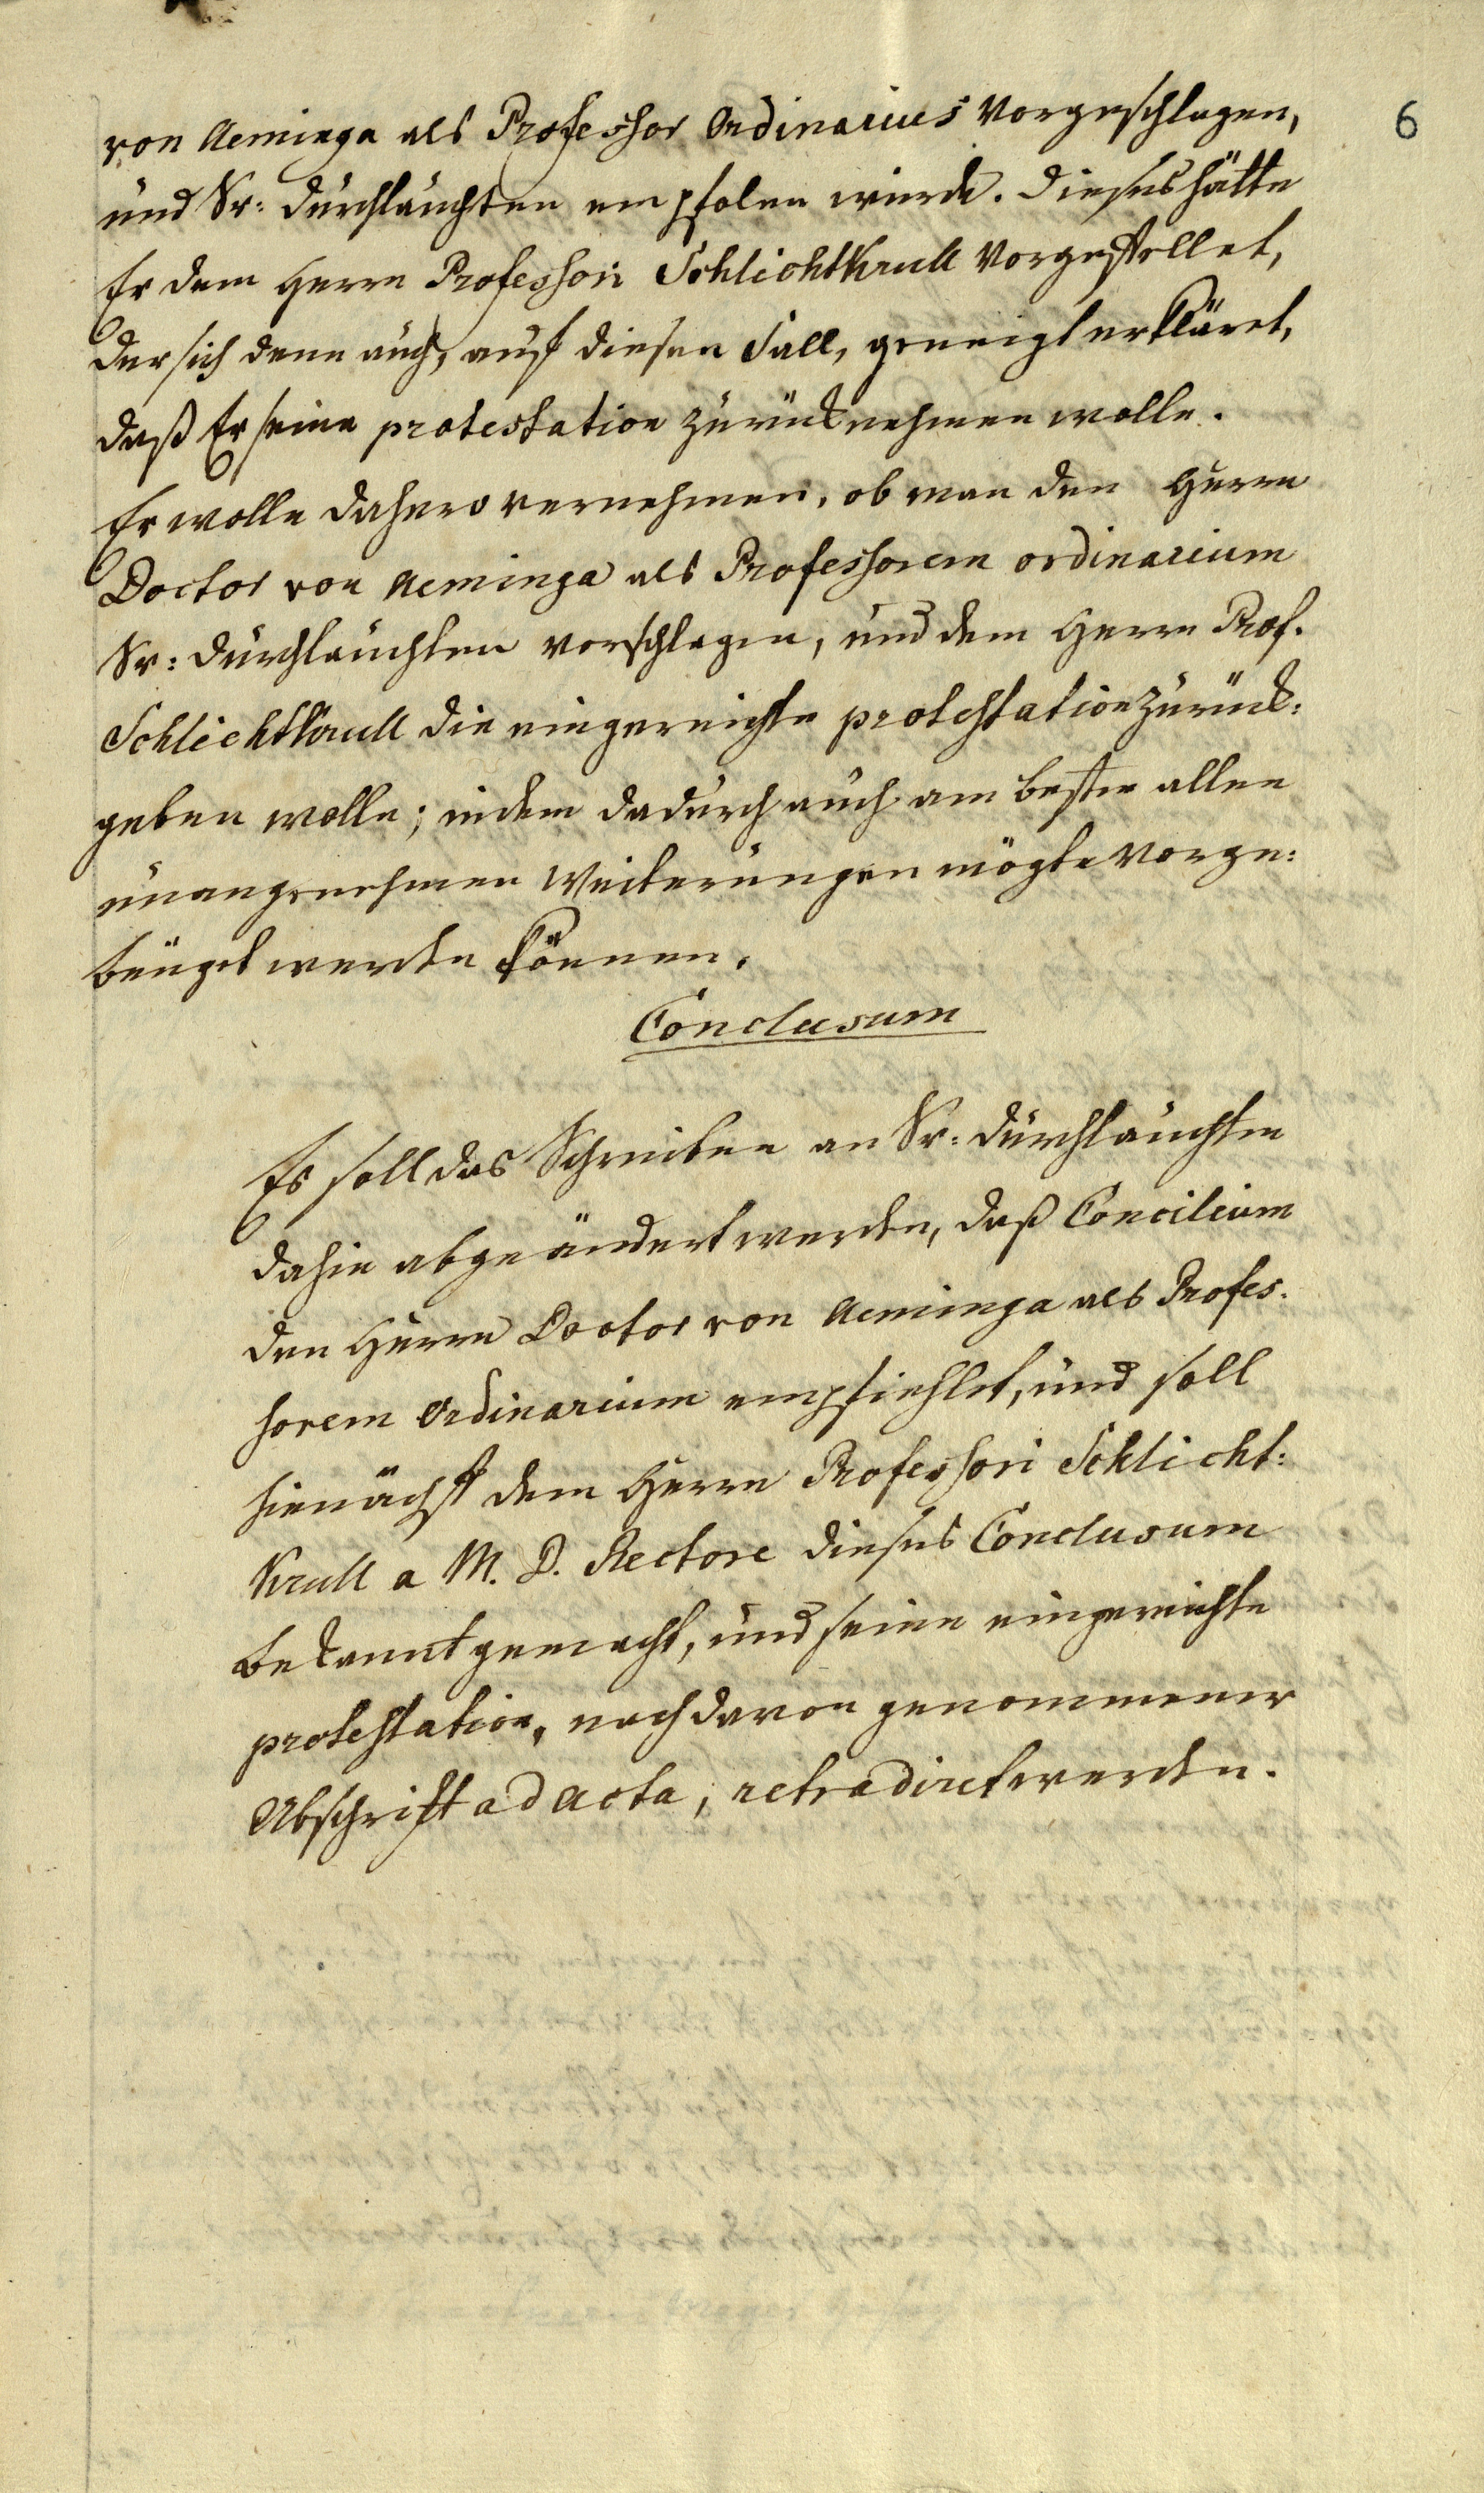von Aeminga als Professor Ordinarius vorgeschlagen,
und Sr. Durchlauchten empfolen würde. Dieses hätte
Er demHerrn Professori Schlichtkrull vorgestellet,
der sich denn auch auf diesen Fall, geneigt erkläret,
daß Er seine protestation zurücknehmen wolle.
Er wolle dahero vernehmen, ob man den Herrn
Doctor von Aeminga als Professorem ordinarium
Sr. Durchlauchten vorschlagen, und dem Herrn Prof.
Schlichtkrull die eingereichte protestation zurück¬
geben wolle; indem dadurch auch am besten allen
unangenehmen Weiterungen mögte vorge¬
beuget werden können.
Conclusum
Es soll das Schreiben an Sr. Durchlauchten
dahin abgeändert werden, daß Concilium
den Herrn Doctor von Aeminga als Profes¬
sorem ordinarium empfiehlet, und soll
hienächst dem Herrn Professori Schlicht¬
krull a M. D. Rectore dieses Conclusum
bekannt gemacht, und seine eingereichte
protestation, nach davon genommener
Abschrift ad Acta, retradiret werden.